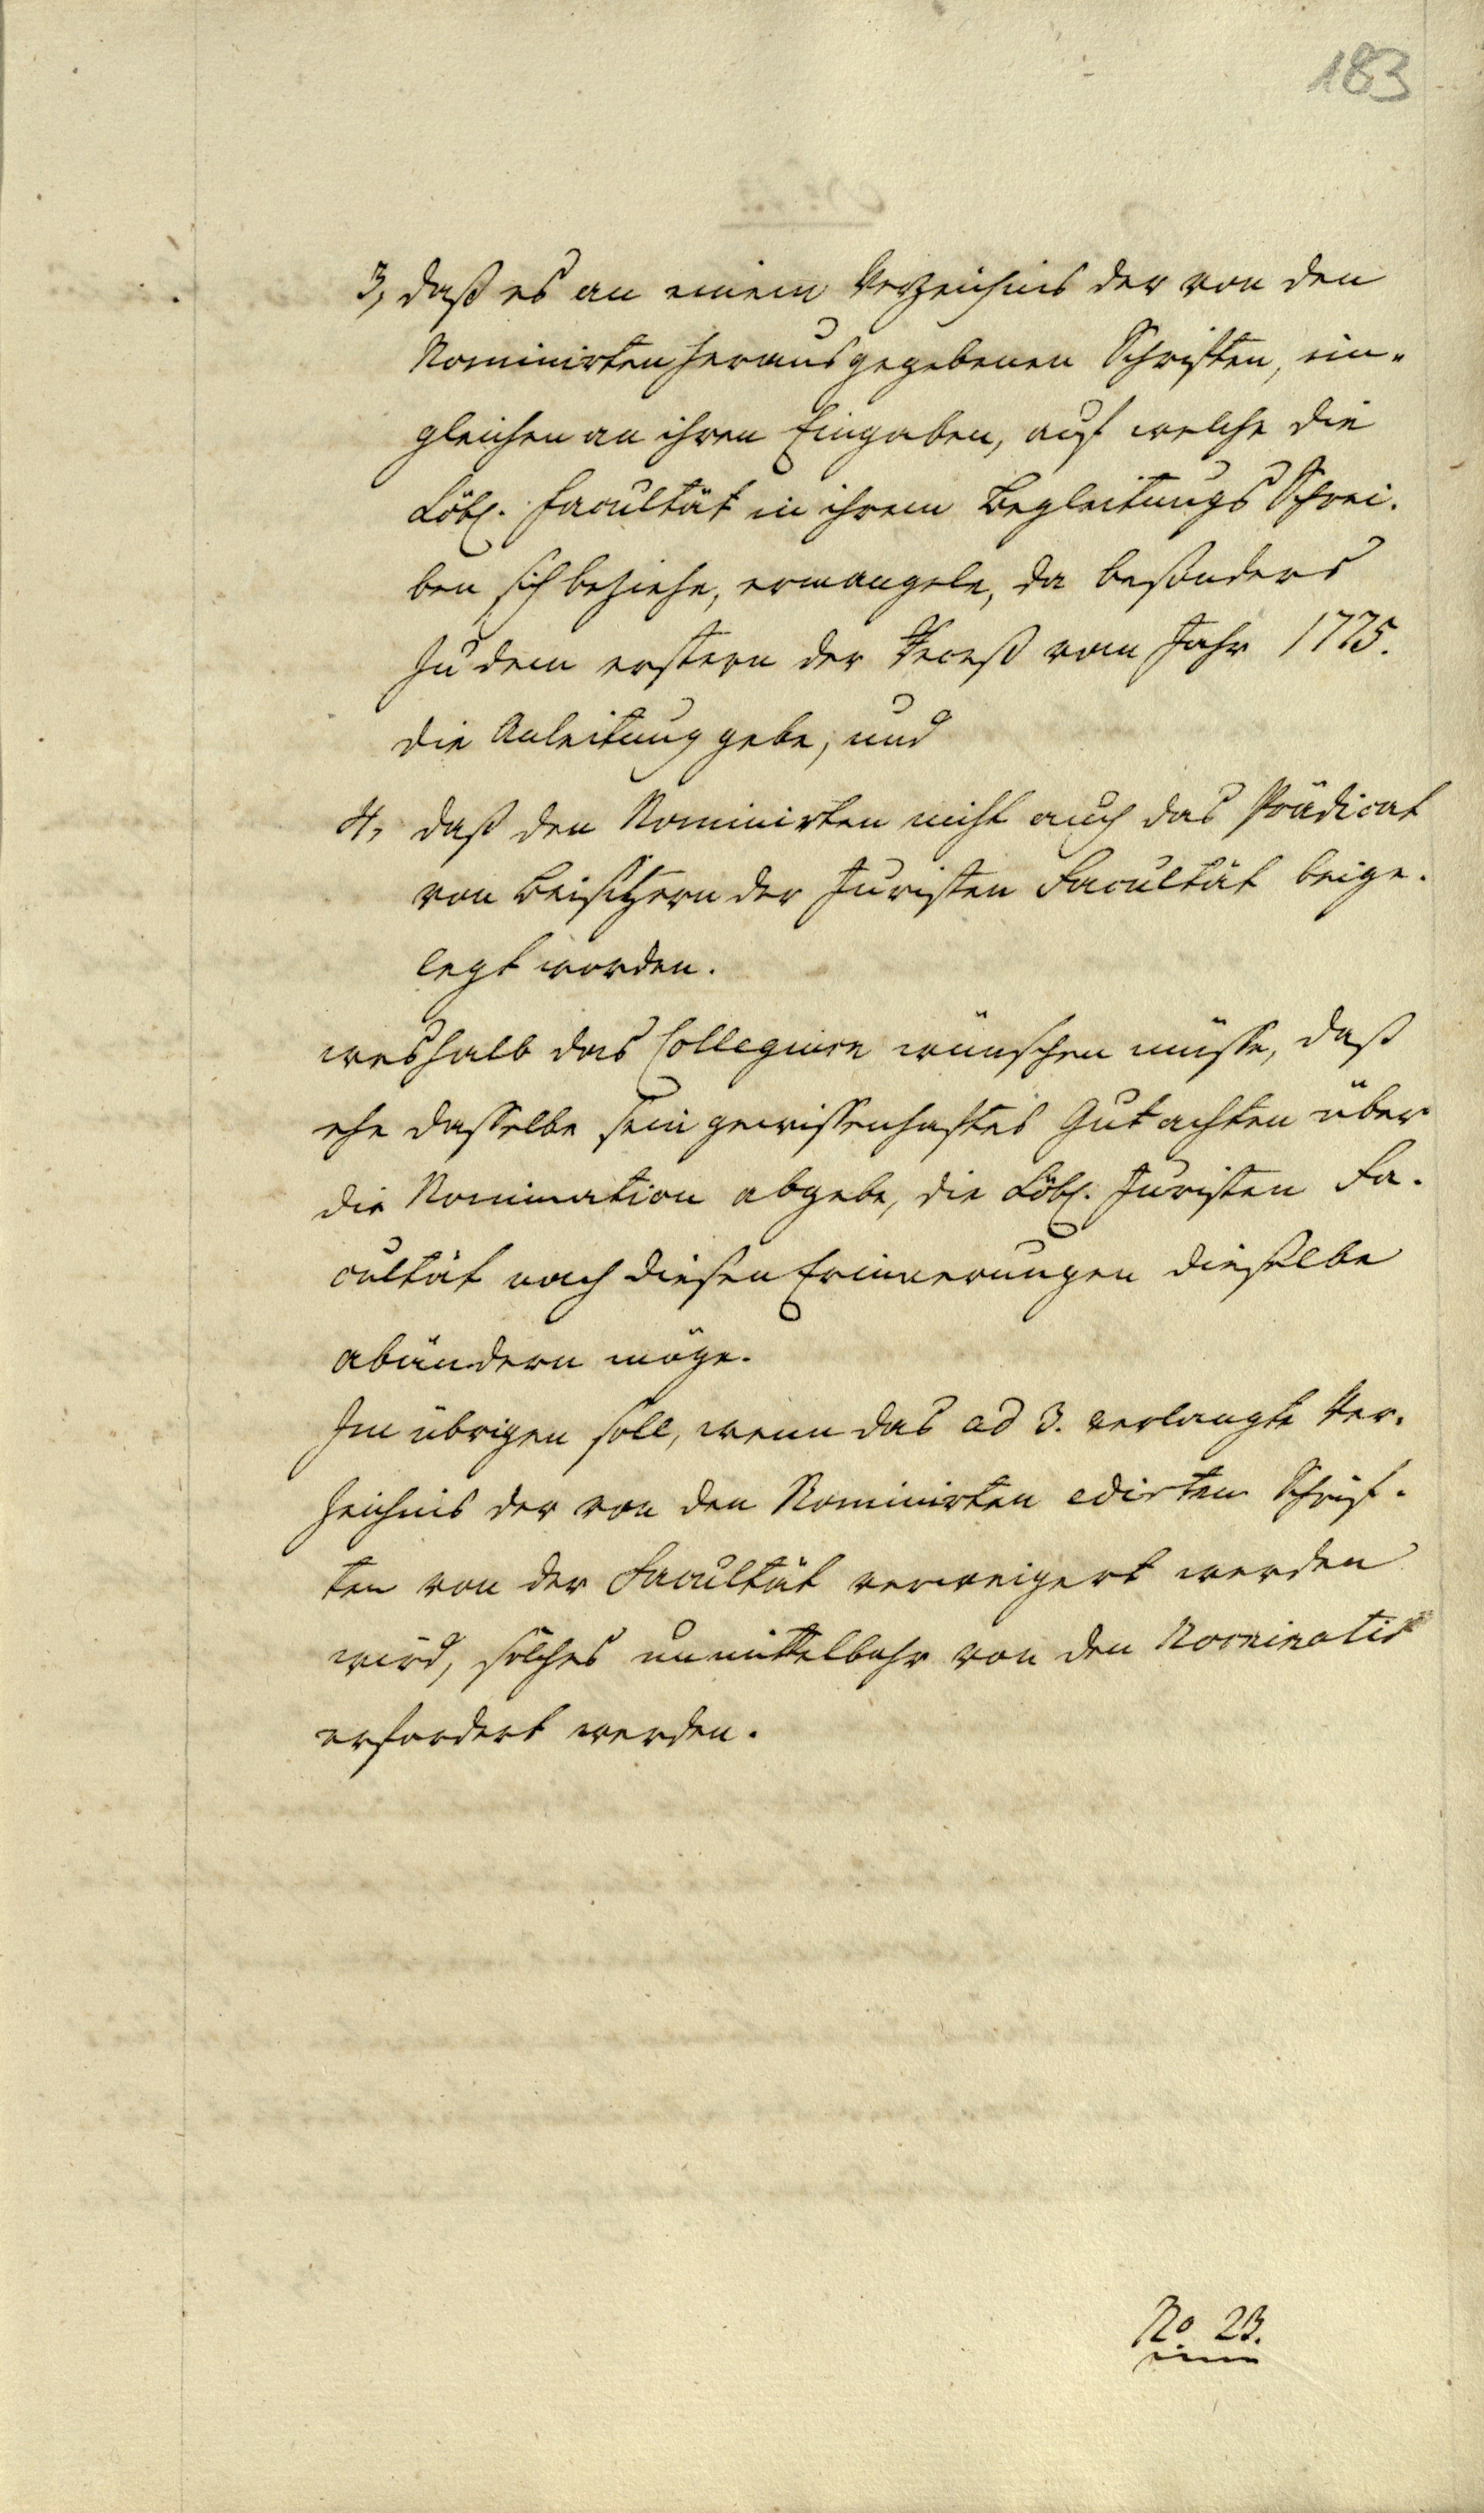3, daß es an einem Verzeichnis der von den
Nominirten heraus gegebenen Schriften, im¬
gleichen an ihren Eingaben, auf welche die
Löbl. Facultät in ihrem Begleitungs Schrei¬
ben sich beziehe, ermangele, da besonders
zu dem erstern der Receß vom Jahr 1775.
die Anleitung gebe, und
4. daß den Nominirten nicht auch das Prädicat
von Beisitzern der Juristen Facultät beige¬
legt worden.
weshalb das Collegium wünschen müsse, daß
ehe dasselbe sein gewissenhaftes Gutachten über
die Nomination abgebe, die Löbl. Juristen Fa¬
cultät nach diesen Erinnerungen dieselbe
abändern möge.
Im übrigen soll, wenn das ad 3. verlangte Ver¬
zeichnis der von den Nominirten edirten Schrif¬
ten von der Facultät verweigert werden
wird, solches unmittelbahr von den Nominatis
erfordert werden.
No 23.